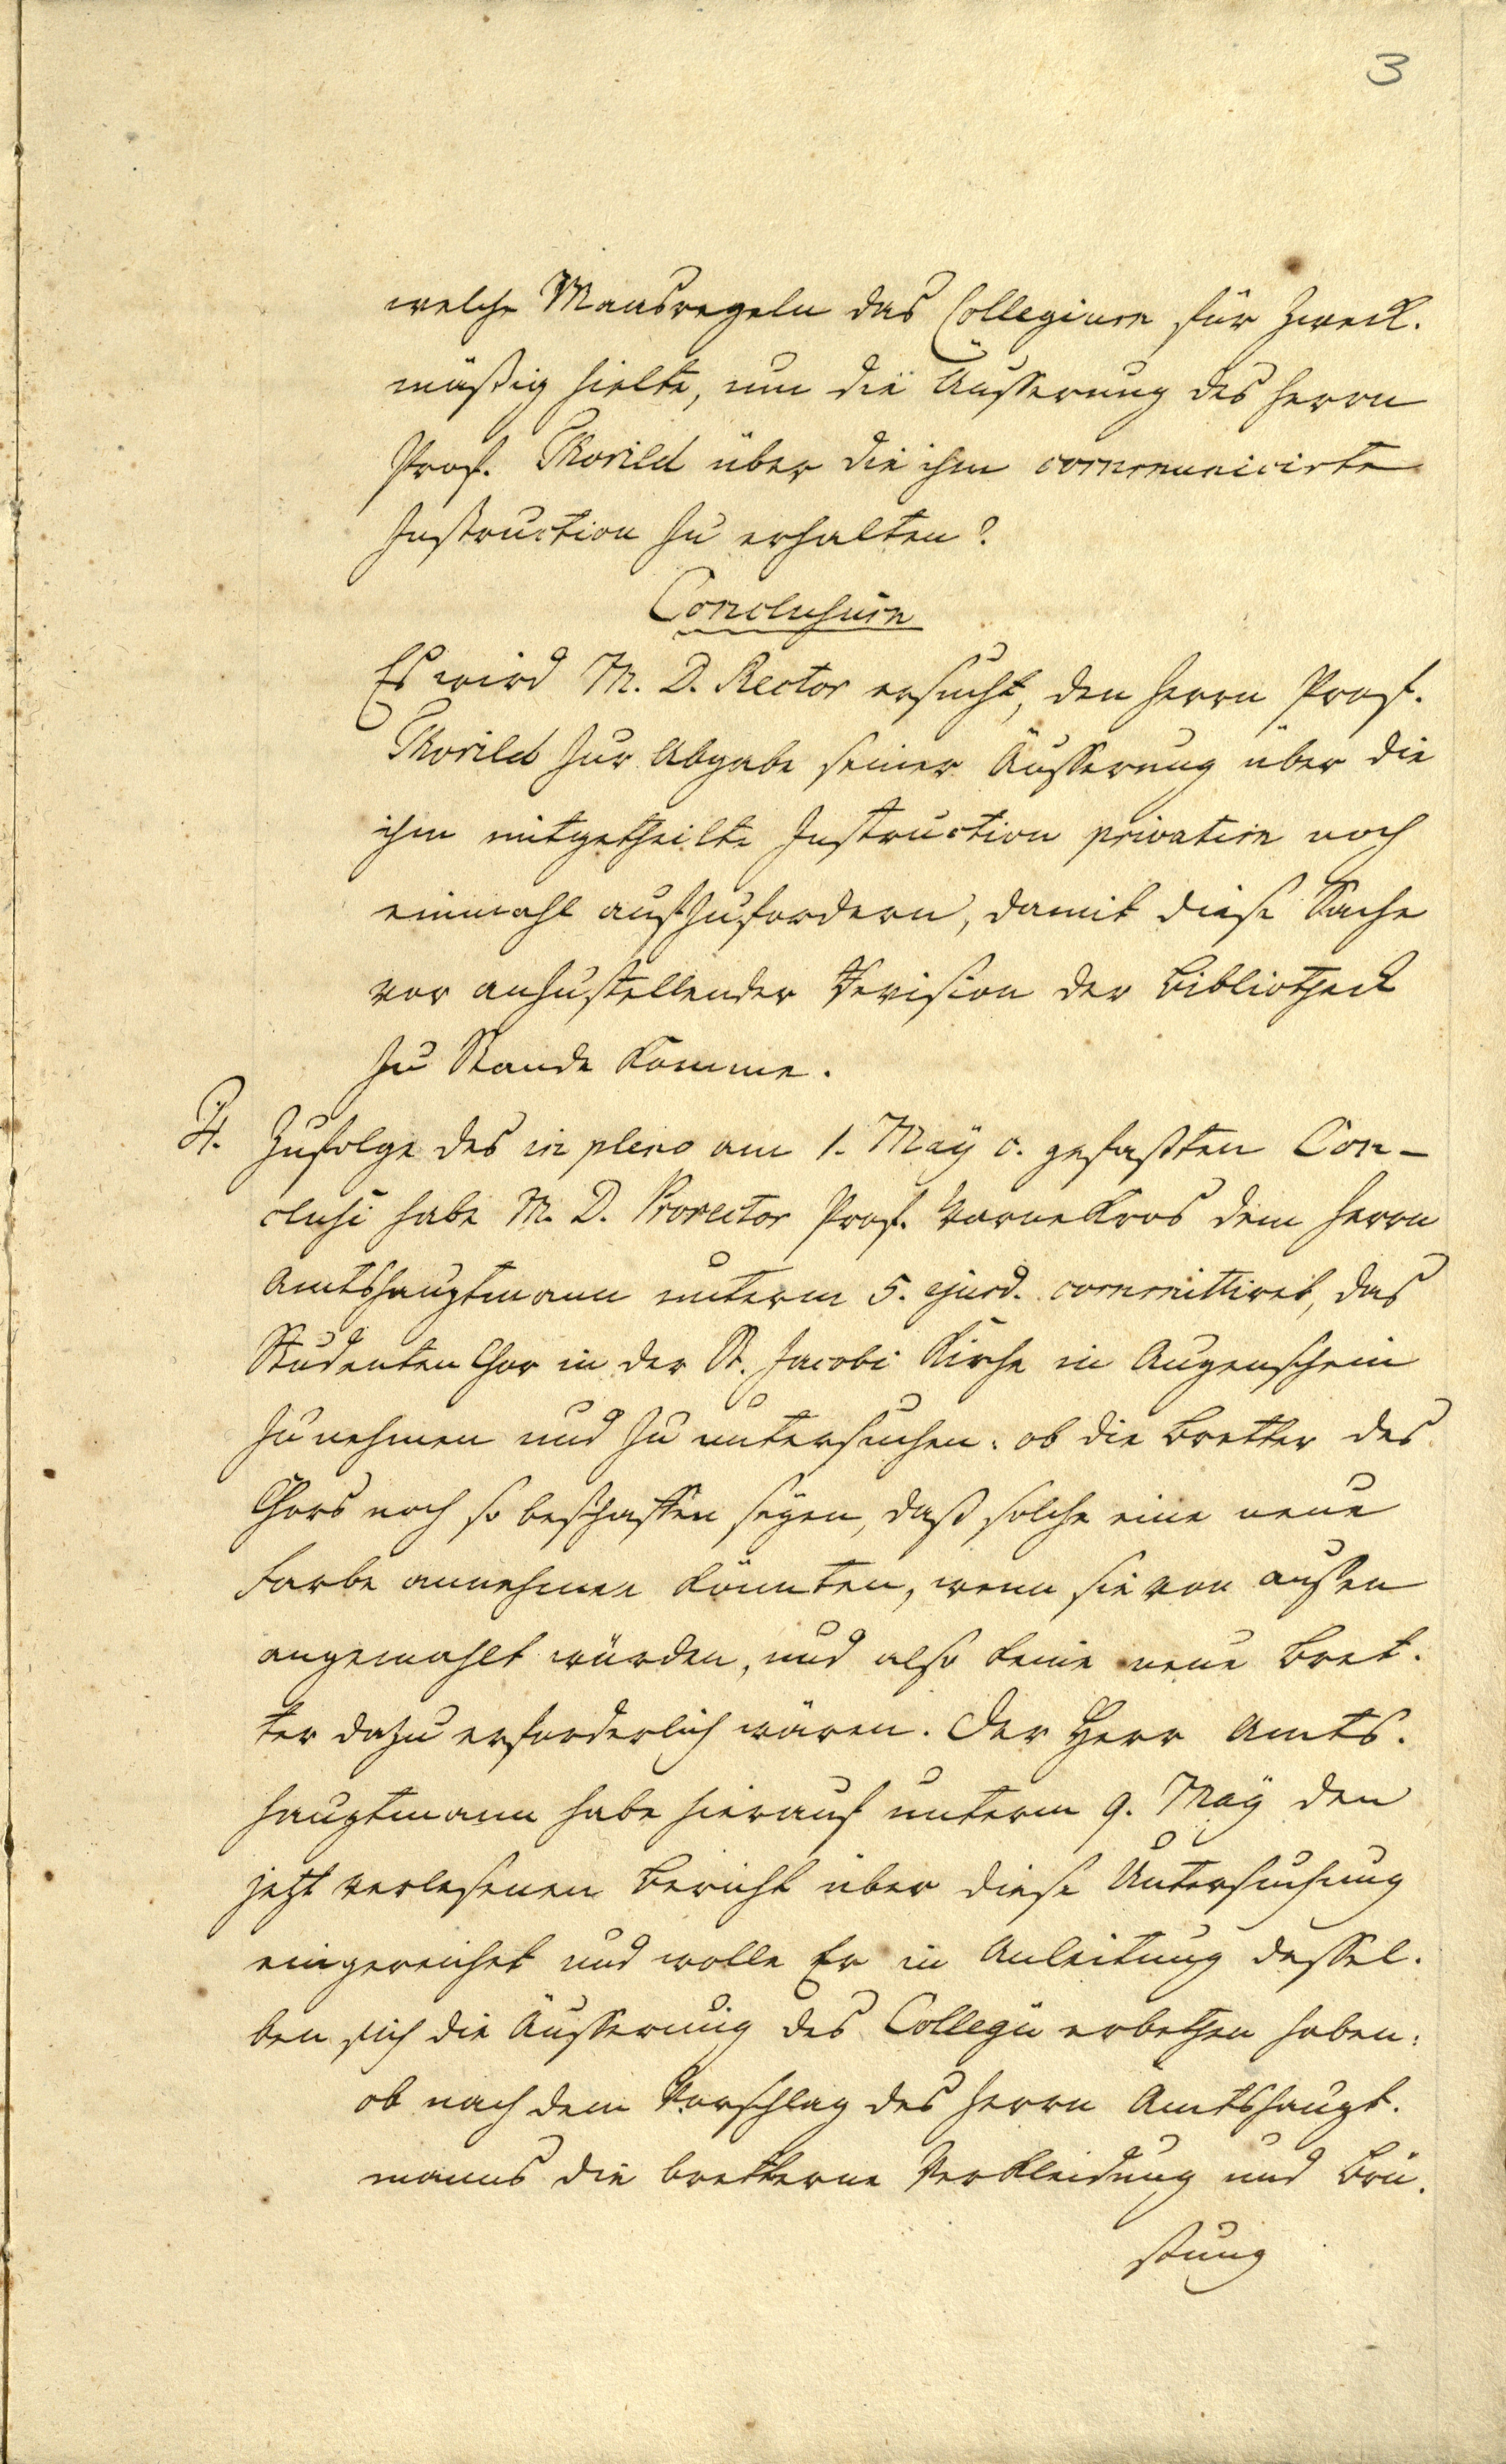welche Maasregeln das Collegium für Zweck¬
mäßig hielte, um die Äusserung des herrn
Prof. Thorild über die ihm communicirte
Instruction zu erhalten?
Conclusum
Es wird M. D. Rector ersucht, den herrn Prof.
Thorild Zur Abgabe seiner Äusserung über die
ihm mitgetheilte Instruction privatim noch
einmahl aufzufordern, damit diese Sache
vor anzustellender Revision der Bibliotheck
zu Stande komme.
4. Zufolge des in pleno am 1. Maÿ c. gefaßten Con¬
clusi habe M. D. Prorector Prof. Warnekros dem herrn
Amtshauptmann unterm 5. ejusd. committiret, das
Studenten Chor in der St. Jacobi Kirche in Augenschein
zu nehmen und zu untersuchen, ob die Bretter des
Chors noch so beschaffen seÿen, daß solche eine neue
Farbe annehmen könnten, wenn sie von außen
angemahlt würden, und also keine neue Bret¬
ter dazu erforderlich wären. Der Herr Amts¬
hauptmann habe hierauf unterm 9. Maÿ den
jezt verlesenen Bericht über diese Untersuchung
eingereichet und wolle Er in Anleitung dessel¬
ben sich die Äusserung des Collegii erbethen haben:
ob nach dem Vorschlag des Herrn Amtshaupt¬
manns die bretterne Verkleidung und Brü¬
stung